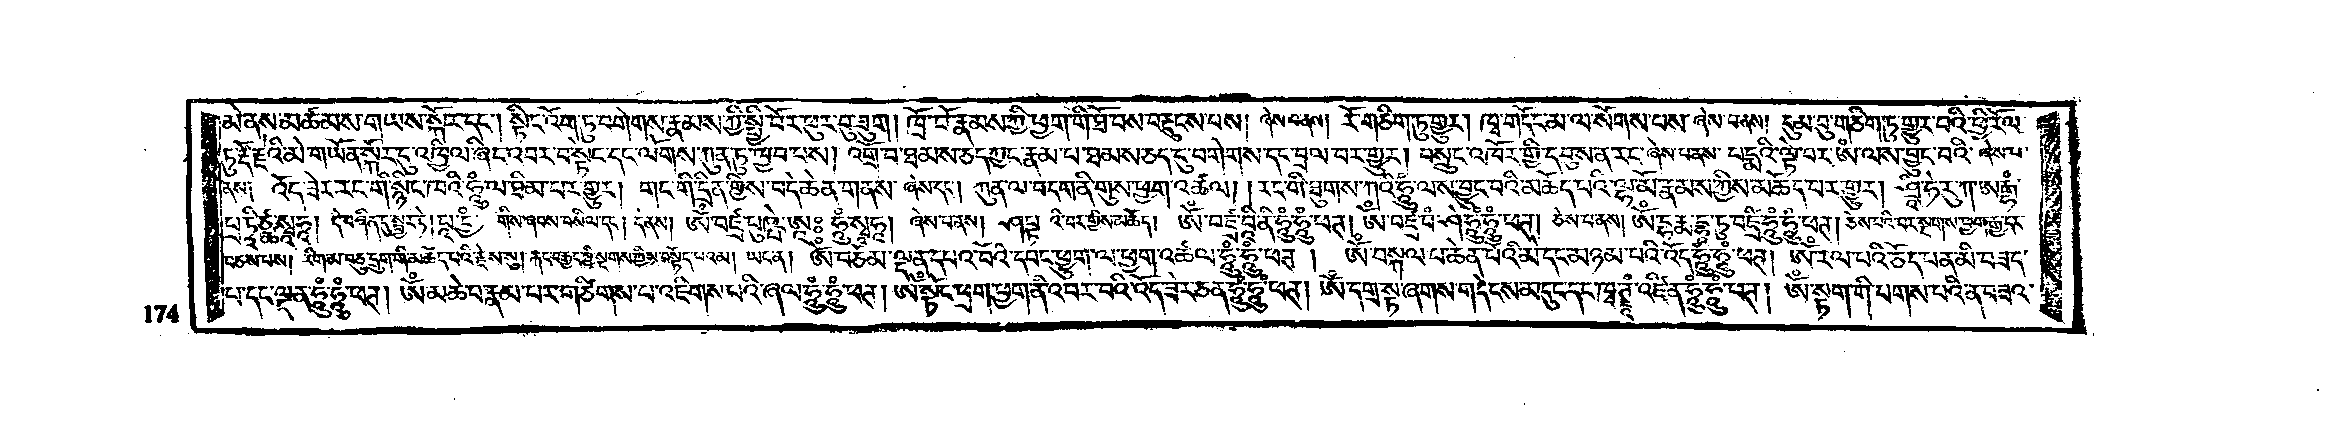མེ་ནས་མཚམས་གཡས་སྐོར་དང་། སྟེང་འོག་ཏུ་བགེགས་རྣམས་ཀྱི་སྤྱི་བོར་ཕུར་བུ་ཟུག །ཁྲོ་བོ་རྣམས་ཀྱི་ཕྱག་གི་ཐོ་བས་བརྡུངས་པས། ཞེས་པ་ནས།  རོ་གཅིག་ཏུ་གྱུར། ཁྭ་གདོང་མ་ལ་སོགས་པས་ཞེས་པ་ནས། དུམ་བུ་གཅིག་ཏུ་གྱུར་པའི་ཕྱི་རོལ་
ཏུ་རྡོ་རྗེའི་མེ་གཡོན་སྐོར་དུ་འཁྱིལ་ཞིང་འབར་བ་སྟེང་དང་ལོགས་ཀུན་ཏུ་ཁྱབ་པས། འགྲོ་བ་ཐམས་ཅད་ཀྱང་རྣམ་པ་ཐམས་ཅད་དུ་བགེགས་དང་བྲལ་བར་གྱུར། བསྲུང་འཁོར་གྱི་དབུས་ན་རང་ཞེས་པ་ནས་པདམའི་ལྟེ་བར་ཨཾ་ལས་བྱུང་བའི་ཞེས་པ་
ནས༑ འོད་ཟེར་རང་གི་སྙིང་ཁའི་ཧཱུཾ་ལ་ཐིམ་པར་གྱུར། གང་གི་དྲིན་གྱིས་བདེ་ཆེན་གནས་ཞེས་དང་།  ཀུན་ལ་བདག་ནི་གུས་ཕྱག་འཚལ། །རང་གི་ཐུགས་ཀའི་ཧཱུཾ་ལས་བྱུང་བའི་མཆོད་པའི་ལྷ་མོ་རྣམས་ཀྱིས་མཆོད་པར་གྱུར། ཤྲཱི་ཧེ་རུ་ཀ་ཨརྒྷཾ་
པྲ་ཏཱི་ཙྪ་སྭཱཧཱ། དེ་བཞིན་དུ་སྦྱར་ཏེ། པཱ་དྱཾ་གིས་ཞབས་བསིལ་དང་། དེ་ནས།  ཨོཾ་བཛྲ་པུཥྤེ་ཨཱཿ ཧཱུཾ་སྭཱ་ཧཱ། ཞེས་པ་ནས།  ཤཔྟ་འི་བར་གྱིས་མཆོད།  ཨོཾ་བཛྲ་བཱི་ནི་ཧཱུཾ་ཧཱུཾ་ཕཊ། ཨོཾ་བཛྲ་བཾ་ཤེ་ཧཱུཾ་ཧཱུཾ་ཕཊ། ཅེས་པ་ནས། ཨོཾ་དྷརྨ་དྷཱ་ཏུ་བཛྲི་ཧཱུཾ་ཧཱུཾ་ཕཊ། ཅེས་པའི་བར་སྔགས་ཕྱག་རྒྱ་དང་
བཅས་པས། རིག་མ་བཅུ་དྲུག་གི་མཆོད་པའི་རྗེས་སུ། རྐང་བརྒྱད་ཀྱི་སྔགས་ཀྱིས་བསྟོད་པའམ། ཡང་ན། ཨ་བཅོམ་ལྡན་དཔའ་བོའི་དབང་ཕྱུག་ལ་ཕྱག་འཚལ་ཧཱུཾ་ཧཱུཾ་ཕཊ། ཨོཾ་བསྐལ་པ་ཆེན་པོའི་མེ་དང་མཉམ་པའི་འོད་ཧཱུཾ་ཧཱུཾ་ཕཊ། ཨོཾ་རལ་པའི་ཅོད་པ་ན་མི་བཟད་
པ་དང་ལྡན་ཧཱུཾ་ཧཱུཾ་ཕཊ། ཨོཾ་མཆེ་བ་རྣམ་པར་གཙིགས་པ་འཇིགས་པའི་ཞལ་ཧཱུཾ་ཧཱུཾ་ཕཊ། ཨོཾ་སྟོང་ཕྲག་ཕྱག་ནི་འབར་བའི་འོད་ཟེར་ཅན་ཧཱུཾ་ཧཱུཾ་ཕཊ། ཨོཾ་དགྲ་སྟ་ཞགས་གདེངས་མདུང་དང་ཁྭ་ཊྭཱཾ་འཛིན་ཧཱུཾ་ཧཱུཾ་ཕཊ། ཨོཾ་སྟག་གི་པགས་པའི་ན་བཟའ་